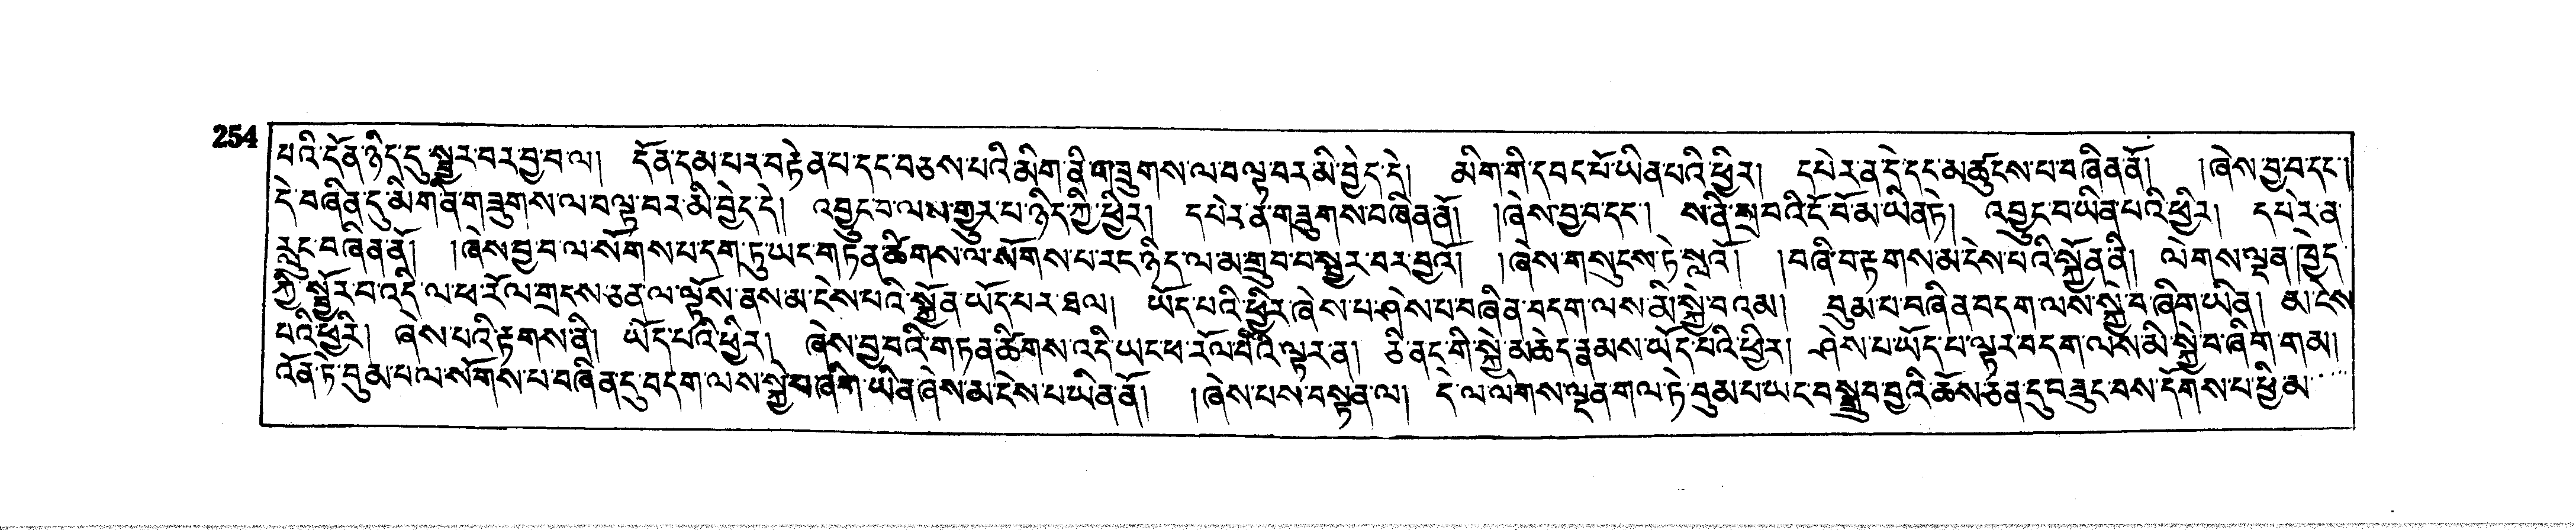པའི་དོན་ཉིད་དུ་སྦྱར་བར་བྱ་བ་ལ། དོན་དམ་པར་བརྟེན་པ་དང་བཅས་པའི་མིག་ནི་གཟུགས་ལ་བལྟ་བར་མི་བྱེད་དེ། མིག་གི་དབང་པོ་ཡིན་པའི་ཕྱིར། དཔེར་ན་དེ་དང་མཚུངས་པ་བཞིན་ནོ། །ཞེས་བྱ་བ་དང་།
དེ་བཞིན་དུ་མིག་ནི་གཟུགས་ལ་བལྟ་བར་མི་བྱེད་དེ། འབྱུང་བ་ལས་གྱུར་བ་ཉིད་ཀྱི་ཕྱིར། དཔེར་ན་གཟུགས་བཞིན་ནོ། །ཞེས་བྱ་བ་དང་། ས་ནི་སྲ་བའི་ངོ་བོ་མ་ཡིན་ཏེ། འབྱུང་བ་ཡིན་པའི་ཕྱིར། དཔེར་ན་
རླུང་བཞིན་ནོ། །ཞེས་བྱ་བ་ལ་སོགས་པ་དག་ཏུ་ཡང་གཏན་ཚིགས་ལ་སོགས་པ་རང་ཉིད་ལ་མ་གྲུབ་པ་སྦྱར་བར་བྱའོ། །ཞེས་གསུངས་ཏེ་སླའོ། །བཞི་བ་རྟགས་མ་ངེས་པའི་སྐྱོན་ནི། ལེགས་ལྡན་ཁྱེད་
ཀྱི་སྦྱོར་བ་འདི་ལ་ཕ་རོལ་གྲངས་ཅན་ལ་ལྟོས་ནས་མ་ངེས་པའི་སྐྱོན་ཡོད་པར་ཐལ། ཡོད་པའི་ཕྱིར་ཞེས་པ་ཤེས་པ་བཞིན་བདག་ལས་མི་སྐྱེ་བའམ། བུམ་པ་བཞིན་བདག་ལས་སྐྱེ་བ་ཞིག་ཡིན། མ་ངེས་
པའི་ཕྱིར། ཞེས་པའི་རྟགས་ནི། ཡོད་པའི་ཕྱིར། ཞེས་བྱ་བའི་གཏན་ཚིགས་འདི་ཡང་ཕ་རོལ་པའི་ལྟར་ན། ཅི་ནང་གི་སྐྱེ་མཆེད་རྣམས་ཡོད་པའི་ཕྱིར། ཤེས་པ་ཡོད་པ་ལྟར་བདག་ལས་མི་སྐྱེ་བ་ཞིག་གམ།
འོན་ཏེ་བུམ་པ་ལ་སོགས་པ་བཞིན་དུ་བདག་ལས་སྐྱེ་བ་ཞིག་ཡིན་ཞེས་མ་ངེས་པ་ཡིན་ནོ། །ཞེས་པས་བསྟན་ལ། དེ་ལ་ལེགས་ལྡན་གལ་ཏེ་བུམ་པ་ཡང་བསྒྲུབ་བྱའི་ཆོས་ཅན་དུ་བཟུང་བས་དོགས་པ་ཕྱི་མ་